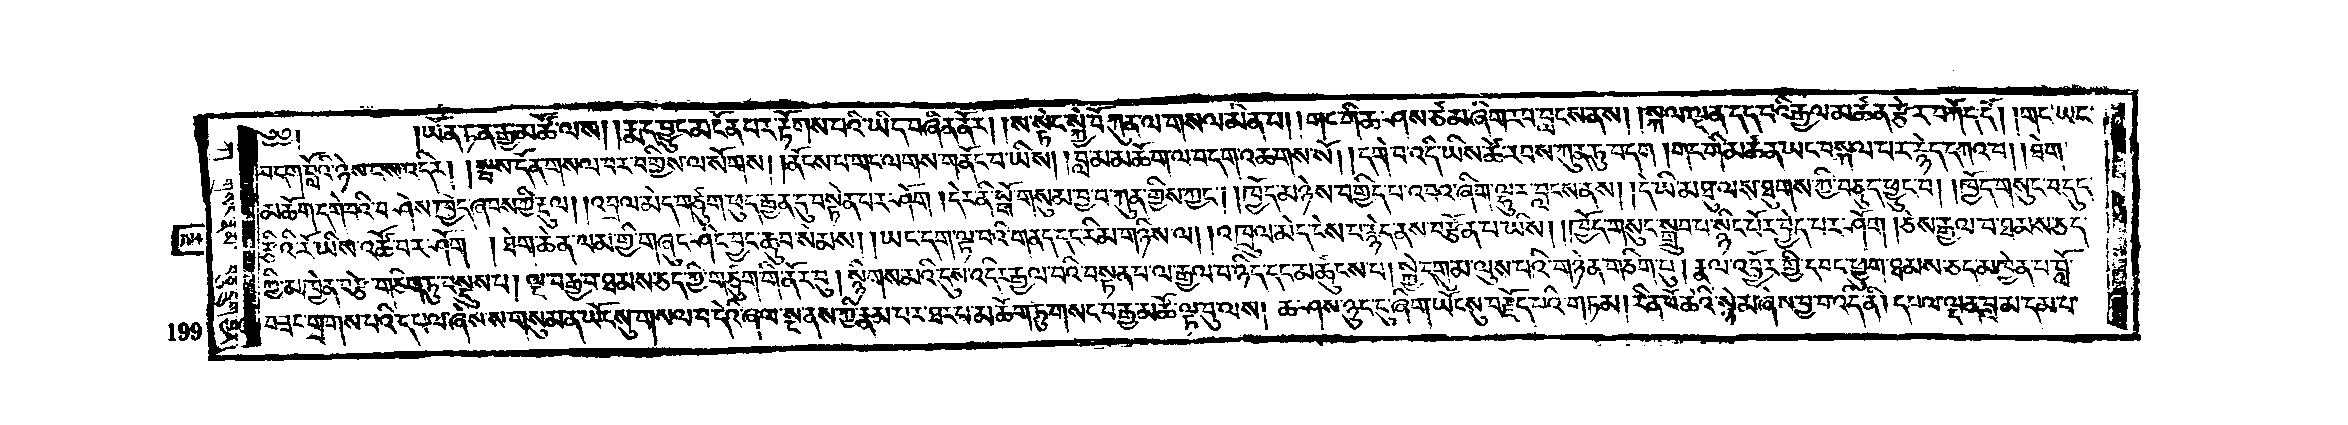༄༅། །ཡོན་ཏན་རྒྱ་མཚོ་ལས། །རྨད་བྱུང་མངོན་པར་རྟོགས་པའི་ཡིད་བཞིན་ནོར། །ས་སྟེང་སྐྱེ་བོ་ཀུན་ལ་གསལ་མིན་པ། །གང་གི་ཆ་ཤས་ཙམ་ཞིག་རབ་བླངས་ནས། །སྐལ་ལྡན་དད་པའི་རྒྱལ་མཚན་རྩེར་བཀོད་དོ། །གང་ཡང་
བདག་བློའི་ཉེས་པས་འདིར། །སྦས་དོན་གསལ་བར་བགྱིས་ལ་སོགས། །ནོངས་པ་གང་ལགས་གནོང་བ་ཡིས། །བླ་མ་མཆོག་ལ་བདག་འཆགས་སོ། །དགེ་བ་འདི་ཡིས་ཚེ་རབས་ཀུན་ཏུ་བདག །གང་གི་མཚན་ཡང་བསྐལ་པར་རྙེད་དཀའ་བ། །ཐེག་
མཆོག་དགེ་བའི་བཤེས་ཁྱེད་ཞབས་ཀྱི་རྡུལ། །འབྲལ་མེད་གཙུག་ཕུད་རྒྱན་དུ་བསྟེན་པར་ཤོག །དེར་ནི་སྒོ་གསུམ་བྱ་བ་ཀུན་གྱིས་ཀྱང་། །ཁྱོད་མཉེས་བགྱིད་པ་འབའ་ཞིག་ལྷུར་བླངས་ནས། །དེ་ཡི་མཐུ་ལས་ཐུགས་ཀྱི་བཅུད་ཕྱུང་བ། །ཁྱོད་གསུང་བདུད་
རྩིའི་རོ་ཡིས་འཚོ་བར་ཤོག །ཐེག་ཆེན་ལམ་གྱི་གཞུང་ཤིང་བྱང་ཆུབ་སེམས། །ཡང་དག་ལྟ་བའི་གནད་དང་རིམ་གཉིས་ལ། །འཁྲུལ་མེད་ངེས་པ་རྙེད་ནས་བརྩོན་པ་ཡིས། །ཁྱོད་གསུང་སྒྲུབ་པ་སྙིང་པོར་བྱེད་པར་ཤོག །ཅེས་རྒྱལ་བ་ཐམས་ཅད་
ཀྱི་མཁྱེན་བརྩེ་གཅིག་ཏུ་བསྡུས་པ། ལྔ་བརྒྱ་བ་ཐམས་ཅད་ཀྱི་གཙུག་གི་ནོར་བུ། སྙིགས་མའི་དུས་འདིར་རྒྱལ་བའི་བསྟན་པ་ལ་རྒྱལ་བ་ཉིད་དང་མཚུངས་པ། སྐྱེ་དགུ་མ་ལུས་པའི་གཉེན་གཅིག་པུ། རྣལ་འབྱོར་གྱི་དབང་ཕྱུག་ཐམས་ཅད་མཁྱེན་པ་བློ་
བཟང་གྲགས་པའི་དཔལ་ཞེས་ས་གསུམ་ན་ཡོངས་སུ་གསལ་བ་དེའི་ཞལ་སྔ་ནས་ཀྱི་རྣམ་པར་ཐར་པ་མཆོག་ཏུ་གསང་བརྒྱ་མཚོ་ལྟ་བུ་ལས། ཆ་ཤས་ཉུང་ངུ་ཞིག་ཡོངས་སུ་བརྗོད་པའི་གཏམ། རིན་པོ་ཆེའི་སྙེ་མ་ཞེས་བྱ་བ་འདི་ནི། དཔལ་ལྡན་བླ་མ་དམ་པ་